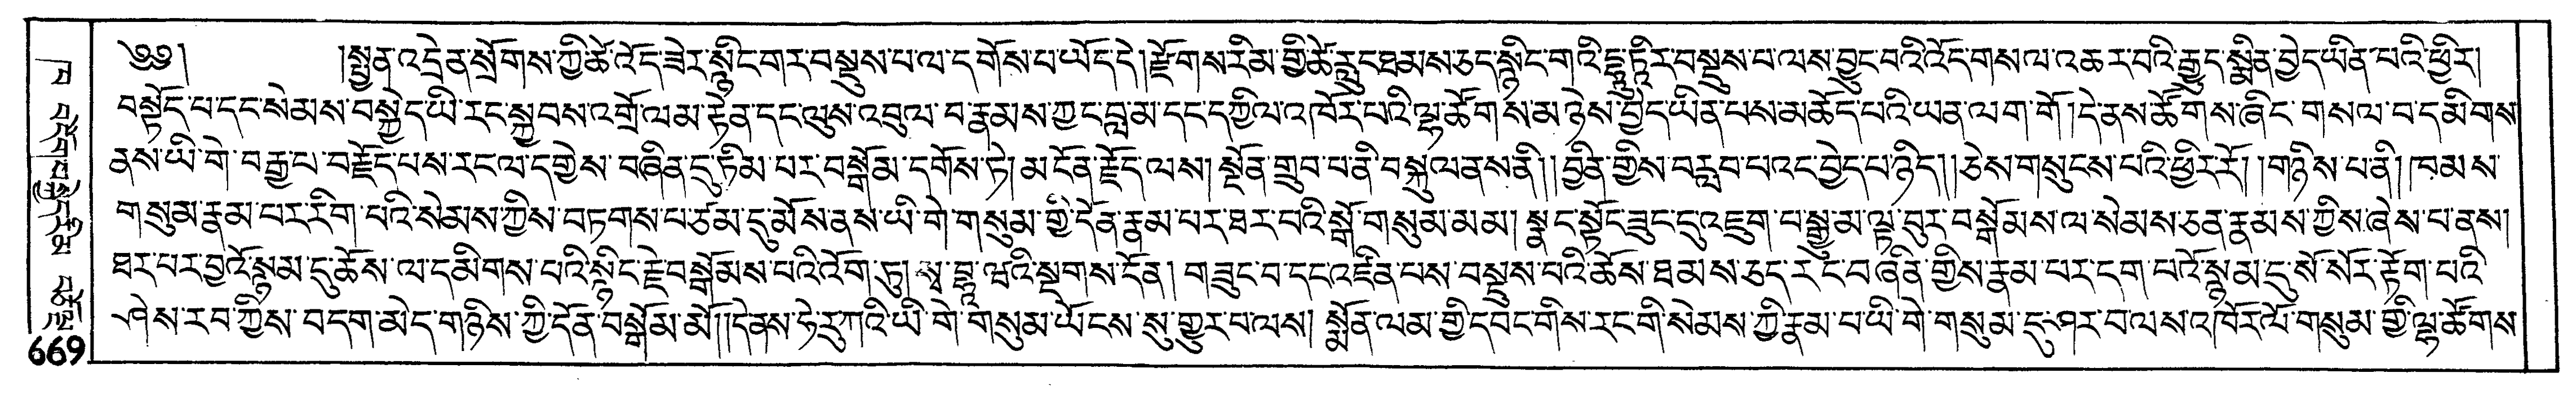༄༅། །སྤྱན་འདྲེན་སྲོགས་ཀྱི་ཚེ་འོད་ཟེར་སྙིང་གར་བསྡུས་པ་ལ་དགོས་པ་ཡོད་དེ། རྫོགས་རིམ་གྱི་ཚེ་རླུང་ཐམས་ཅད་སྙིང་གའི་དྷཱུ་ཏཱིར་བསྡུས་པ་ལས་བྱུང་བའི་འོད་གསལ་འཆར་བའི་རྒྱུད་སྨིན་བྱེད་ཡིན་པའི་ཕྱིར།
བསྟོད་པ་དང་སེམས་བསྐྱེད་ཡི་རང་སྐྱབས་འགྲོ་ལམ་རྟེན་དང་ལུས་འབུལ་བ་རྣམས་ཀྱང་བླ་མ་དང་དཀྱིལ་འཁོར་པའི་ལྷ་ཚོགས་མཉེས་བྱེད་ཡིན་པས་མཆོད་པའི་ཡན་ལག་གོ །དེ་ནས་ཚོགས་ཞིང་གསལ་བ་དམིགས་
ནས་ཡི་གེ་བརྒྱ་པ་བརྗོད་པས་རང་ལ་དགྱེས་བཞིན་དུ་ཏིམ་པར་བསྒོམ་དགོས་ཏེ། མངོན་རྗོད་ལས། སྔོན་གྲུབ་པ་ནི་བསྐུལ་ནས་ནི། །བྱིན་གྱིས་བརླབ་པའང་བྱེད་པ་ཉིད། །ཅེས་གསུངས་པའི་ཕྱིར་རོ། །གཉིས་པ་ནི། ཁམས་
གསུམ་རྣམ་པར་རིག་པའི་སེམས་ཀྱིས་བཏགས་པ་ཙམ་དུ་མོས་ནས་ཡི་གེ་གསུམ་གྱི་དོན་རྣམ་པར་ཐར་པའི་སྒོ་གསུམ་མམ། སྣང་སྟོང་ཟུང་དུ་འཇུག་པ་སྒྱུ་མ་ལྟ་བུར་བསྒོམས་ལ་སེམས་ཅན་རྣམས་ཀྱིས་ཞེས་པ་ནས།
ཐར་པར་བྱའོ་སྙམ་དུ་ཆོས་ལ་དམིགས་པའི་སྙིང་རྗེ་བསྒོམས་པའི་འོག་ཏུ། སྭ་བྷཱ་ཝའི་སྔགས་དོན། གཟུང་བ་དང་འཛིན་པས་བསྡུས་པའི་ཆོས་ཐམས་ཅད་རང་བཞིན་གྱིས་རྣམ་པར་དག་པའོ་སྙམ་དུ་སོ་སོར་རྟོག་པའི་
ཤེས་རབ་ཀྱིས་བདག་མེད་གཉིས་ཀྱི་དོན་བསྒོམ་མོ། །དེ་ནས་ཧེ་རུ་ཀའི་ཡི་གེ་གསུམ་ཡོངས་སུ་གྱུར་པ་ལས། སྨོན་ལམ་གྱི་དབང་གིས་རང་གི་སེམས་ཀྱི་རྣམ་པ་ཡི་གེ་གསུམ་དུ་ཤར་བ་ལས་འཁོར་ལོ་གསུམ་གྱི་ལྷ་ཚོགས་